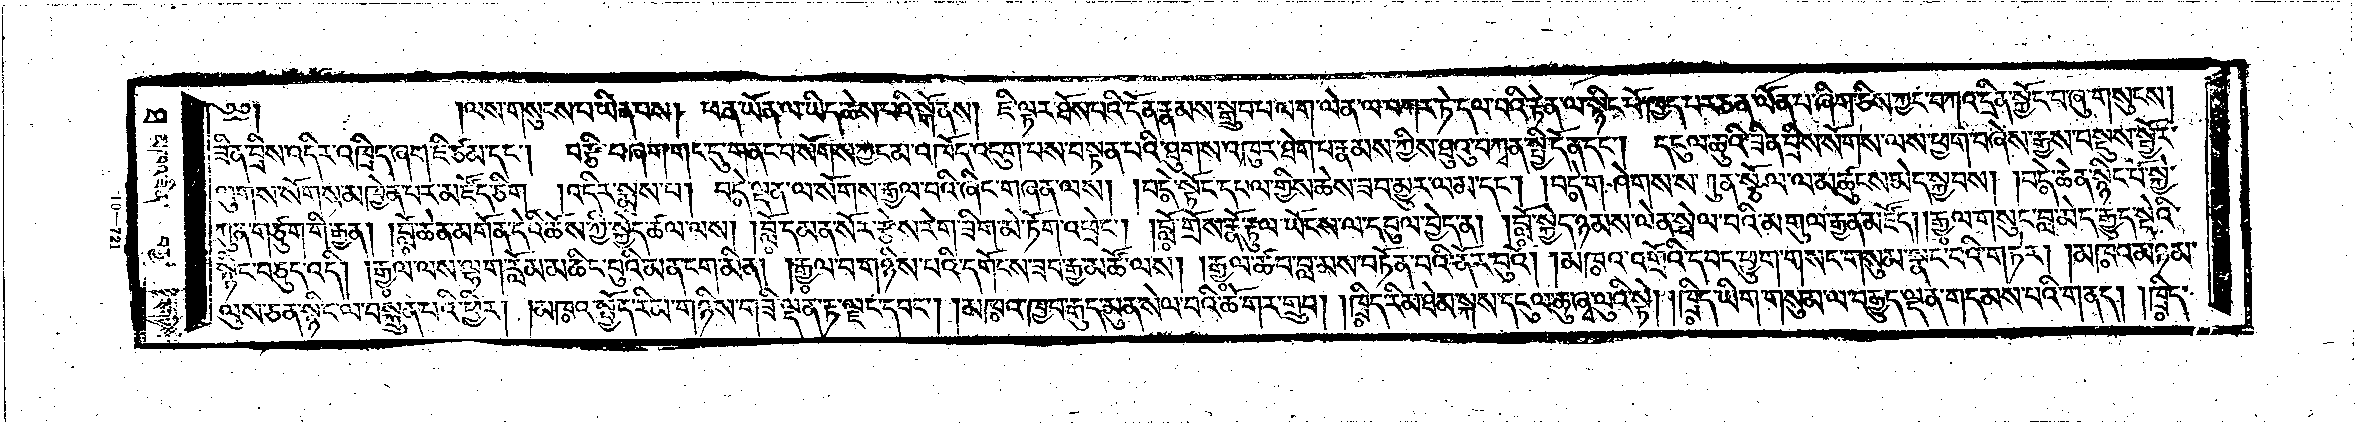༄༅། །ལས་གསུངས་པ་ཡིན་པས། ཕན་ཡོན་ལ་ཡིད་ཆེས་པའི་སྒོ་ནས། ཇི་ལྟར་ཐོས་པའི་དོན་རྣམས་སྒྲུབ་པ་ལག་ལེན་ལ་བཀར་ཏེ་དལ་བའི་རྟེན་ལ་སྙིང་པོ་ཁྱད་པར་ཅན་ལོན་པ་ཞིག་ཅིས་ཀྱང་བཀབ་དྲིན་སྐྱོང་བ་ཞུ་གསུངས།
ཟིན་བྲིས་འདིར་འཁྲིད་ཞག་ཇི་ཙམ་དང་། བརྩི་བཞག་གང་དུ་གནང་བ་སོགས་ཀྱང་མ་འཁོད་འདུག་པས་བསྟན་པའི་ཐུགས་འཁུར་ཐེག་པ་རྣམས་ཀྱིས་ཐུའུ་བཀྭན་སྤྱི་དོན་དང་། དངུལ་ཆུའི་ཟིན་བྲིས་སོགས་ལས་ཕྱག་བཞེས་རྒྱས་བསྡུས་སྦྱོར་
ལུགས་སོགས་མཁྱེན་པར་མཛོད་ཅིག །འདིར་སྨྲས་པ། དེ྾་ལྡན་ལ་སོགས་རྒྱལ་བའི་ཞིང་གཞན་ལས། །བདེ྾་སྟོང་དཔལ་གྱིས་ཆེས་ཟབ་མྱུར་ལམ་དང་། །བདེ྾་གཤེགས་ས་ཀུན་སྩོལ་ལ་མཚུངས་མེད་སྐྱབས། །བདེ྾་ཆེན་སྙིང་པོ་སྐྱེ་
ཀུན་གཙུག་གི་རྒྱན། །བློ྾་ཆེན་མགོན་དེའི་ཆོས་ཀྱི་སྐྱེད་ཚལ་ལས། །བློ྾་དམན་སོར་རྩེས་རེག་ཟིག་མེ་ཏོག་འཕྲེང་། །བློ྾་གྲོས་རྣོ་རྟུལ་ཡོངས་ལ་དབུལ་བྱེད་ན། །བློ྾་སྐྱེད་ཉམས་ལེན་སྤེལ་བའི་མགུལ་རྒྱན་མཛོད། །རྒྱལ྾་གསུང་བླ་མེད་རྒྱུད་སྡེའི་
སྙིང་བཅུད་འདི། །རྒྱལ྾་ལས་ལྷག་རློམ་མ་ཆིང་བུའི་མན་ངག་མིན། །རྒྱལ྾་བ་གཉིས་པའི་དགོངས་ཟབ་རྒྱ་མཚོ་ལས། །རྒྱལ྾་ཚབ་བླ་མས་བཏོན་པའི་ནོར་བུའོ། །མཁའ྾་འགྲོའི་དབང་ཕྱུག་གསང་གསུམ་སྣང་བའི་གཏེར། །མཁའ྾་མཉམ་
ལུས་ཅན་སྙིང་ལ་བསྐྲུན་པའི་ཕྱིར། །མཁའ྾་སྤྱོད་རིམ་གཉིས་གཟི་ལྡན་རྟ་ལྗང་དབང་། །མཁའ྾་ཁྱབ་རྒུད་མུན་སེལ་བའི་ཆོ་གར་གྲུབ། །ཁྲིད྾་རིམ་ཐེམ་སྐས་དངུལ་ཆུ་ཞྭ་ལུའི་སྟེ། །ཁྲིད྾་ཡིག་གསུམ་ལ་བརྒྱུད་ལྡན་གདམས་པའི་གནད། །ཁྲིད྾་